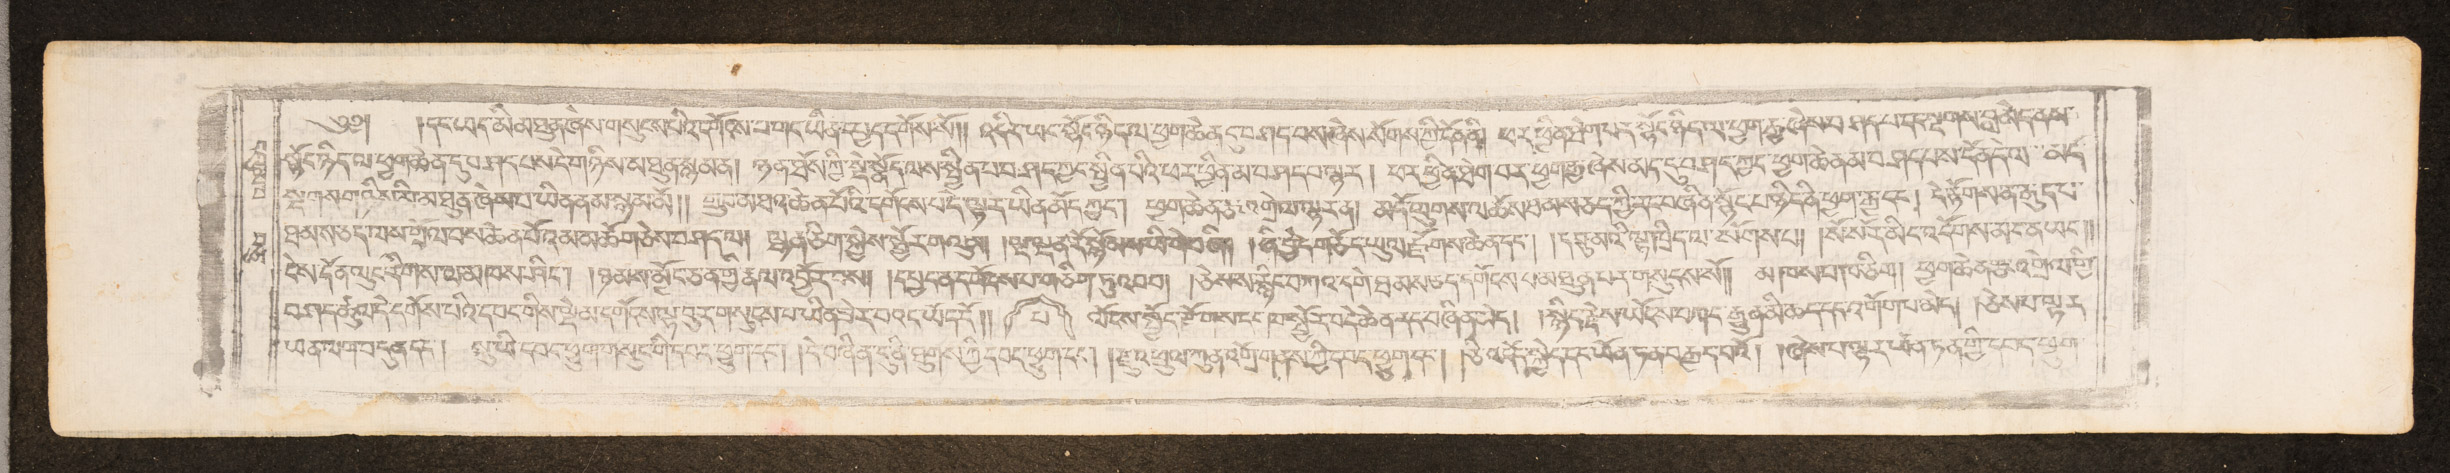༄༅། །དང་ཡང་མི་མཐུན་ཞེས་གསུངས་པའི་དགོངས་པ་གང་ཡིན་དཔྱད་དགོས་སོ།། འདིར་ཡང་སྟོང་ཉིད་ལ་ཕྱག་ཆེན་དུ་བཤད་པས་ཞེས་སོགས་ཀྱི་དོན་ནི། ཕར་ཕྱིན་ཐེག་པར་སྟོང་ཉིད་ལ་ཕྱག་རྒྱ་ཞེས་བཤད་པ་དང་སྔགས་བླ་མེད་ནས་
སྟོང་ཉིད་ལ་ཕྱག་ཆེན་དུ་བཤད་པས་དེ་གཉིས་མཐུན་སྙམ་ན། ཉམ་ཐོས་ཀྱི་སྡེ་སྣོད་ལས་སྦྱིན་པ་བཤད་ཀྱང་སྦྱིན་པའི་ཕར་ཕྱིན་མ་བཤད་པ་ལྟར། ཕར་ཕྱིན་ཐེག་པར་ཕྱག་རྒྱ་ཞེས་མང་དུ་བཤད་ཀྱང་ཕྱག་ཆེན་མ་བཤད་པས་དོན་དེ་ལ་མདོ་
སྔགས་གཉིས་མི་མཐུན་ཞེས་པ་ཡིན་ནམ་སྙམ་མོ།། གྲུབ་མཐའ་ཆེན་པོའི་དགོངས་པ་དེ་ལྟར་ཡིན་མོད་ཀྱང་། ཕྱག་ཆེན་རྩ་འགྲེལ་ལྟར་ན། མདོ་ལུགས་ལ་ཆོས་ཐམས་ཅད་ཀྱི་རང་བཞིན་སྟོང་པ་ཉིད་ནི་ཕྱག་རྒྱ་དང་། དེ་རྟོགས་ན་རྒུད་པ་
ཐམས་ཅད་ལས་གྲོལ་བས་ཆེན་པོ་འམ་མཆོག་ཅེས་བཤད་ལ། ལྷན་ཅིག་སྐྱེས་སྦྱོར་གའུ་མ། །ལྡ་ལྡན་རོ་སྙོམས་ཀྱི་གེ་བཞི། །ཞི་བྱེད་གཅོད་ཡུལ་རྫོགས་ཆེན་དང་། །དབུ་མའི་ལྟ་ཁྲིད་ལ་སོགས་པ། །སོ་སོར་མིང་འདོགས་མང་ན་ཡང།།
ངེས་དོན་ལུང་རིགས་ལ་མཁས་ཤིང་། །ཉམས་མྱོང་ཅན་གྱི་རྣལ་འབྱོར་པས། །དཔྱད་ན་དགོངས་པ་གཅིག་ཏུ་འབབ། །ཅེས་ས་རྙིང་བཀའ་དགེ་ཐམས་ཅད་དགོངས་པ་མཐུན་པར་གསུངས་སོ།། མཁས་པ་ཁ་ཅིག། ཕྱག་ཆེན་རྩ་འགྲེལ་གྱི་
བཤད་ཚུལ་དེ་དགོས་པའི་དབང་གིས་ལྡེམ་དགོངས་ལྷ་བུར་གསུངས་པ་ཡིན་ཟེར་བའང་ཡོད་དོ།། ༼༽པ༼༽ ལོངས་སྤྱོད་རྫོགས་དང་ཁ་སྦྱོར་བདེ་ཆེན་རང་བཞིན་མེད། །སྙིང་རྗེས་ཡོངས་བཀང་རྒྱུན་མི་ཆད་དང་འགོག་པ་མེད། །ཅེས་པ་ལྟར་
ཡན་ལག་བདུན་དང་། སྐུ་ཡི་དབང་ཕྱུག་གསུང་གི་དབང་ཕྱུག་དང་། །དེ་བཞིན་དུ་ནི་ཐུགས་ཀྱི་དབང་ཕྱུག་དང་། །རྫུ་འཕྲུལ་ཀུན་འགྲོ་གནས་ཀྱི་དབང་ཕྱུག་དང་། །ཅི་འདོད་སྐྱེད་དང་ཡོན་ཏན་བརྒྱད་པའོ། །ཞེས་པ་ལྟར་ཡོན་ཏན་གྱི་དབང་ཕྱུག་